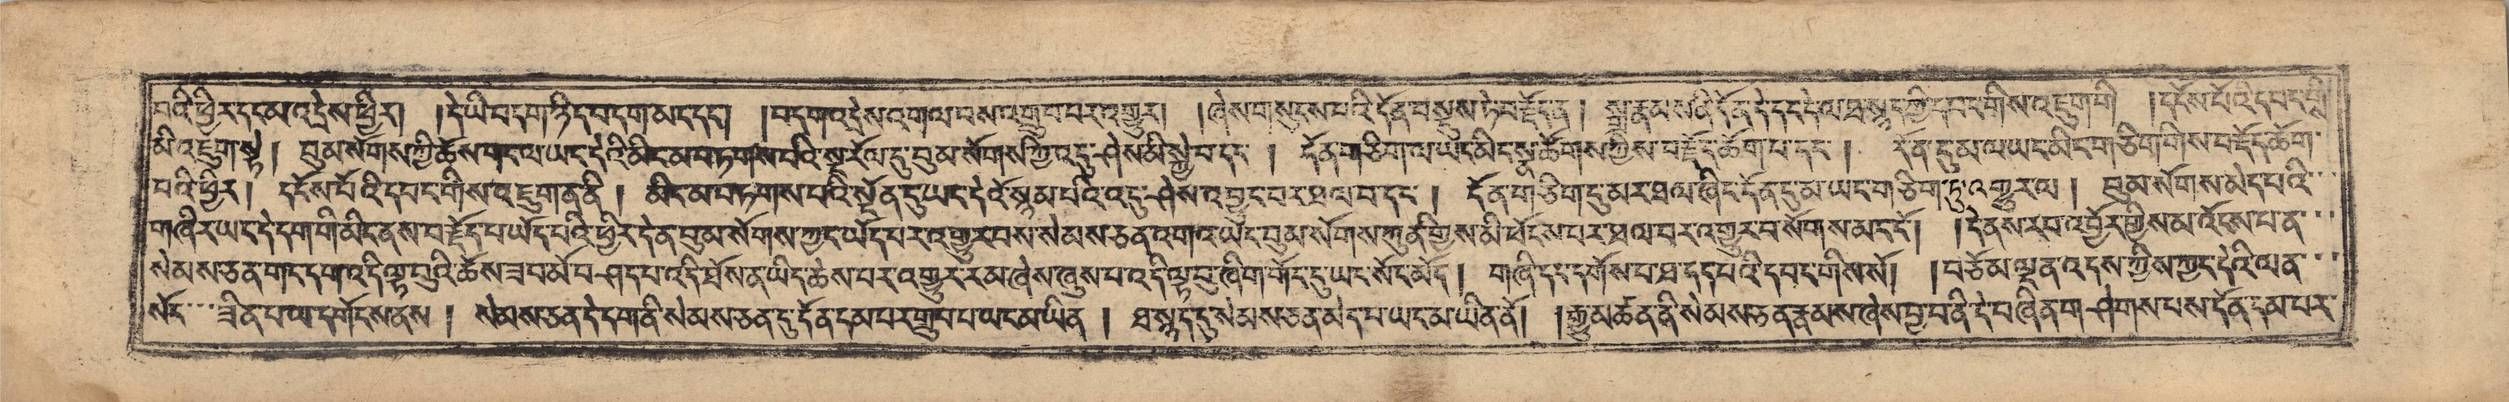བའི་ཕྱིར་དང་མ་འདྲེས་ཕྱིར། །དེ་ཡི་བདག་ཉིད་བདག་མང་དང་། །བདག་འདྲེས་འགལ་བས་འགྲུབ་པར་འགྱུར། །ཞེས་གསུངས་པའི་དོན་བསྡུས་ཏེ་བརྗོད་ན། སྒྲ་རྣམས་ནི་དོན་དེ་དང་དེ་ལ་ཐ་སྙད་ཀྱི་དབང་གིས་འཇུག་གི །དངོས་པོའི་དབང་གིས་
མི་འཇུག་སྟེ། བུམ་སོགས་ཀྱི་ཆོས་གང་ལ་ཡང་དེའི་མིང་མ་བཏགས་པའི་སྔ་རོལ་དུ་བུམ་སོགས་ཀྱི་འདུ་ཤེས་མི་སྐྱེ་བ་དང་། དོན་གཅིག་ལ་ཡང་མིང་སྣ་ཚོགས་ཀྱིས་བརྗོད་ཆོག་པ་དང་། དོན་དུ་མ་ལ་ཡང་མིང་གཅིག་གིས་བརྗོད་ཆོག་
པའི་ཕྱིར། དངོས་པོའི་དབང་གིས་འཇུག་ན་ནི། མིང་མ་བཏགས་པའི་སྔོན་དུ་ཡང་དེའོ་སྙམ་པའི་འདུ་ཤེས་འབྱུང་བར་ཐལ་བ་དང་། དོན་གཅིག་དུ་མར་ཐལ་ཞིང་དོན་དུ་མ་ཡང་གཅིག་ཏུ་གྱུར་ལ། བུམ་སོགས་མེད་པའི་
གཞིར་ཡང་དེ་དག་གི་མིང་ནས་བརྗོད་པ་ཡོད་པའི་ཕྱིར་དེ་ན་བུམ་སོགས་ཀྱང་ཡོད་པར་འགྱུར་བས་སེམས་ཅན་འགའ་ཡང་བུམ་སོགས་ཀུན་གྱིས་མི་ཕོངས་པར་ཐལ་བར་འགྱུར་བ་སོགས་མང་ངོ། །དེ་ནས་རབ་འབྱོར་གྱིས་མ་འོངས་པ་ན་
སེམས་ཅན་གང་དག་འདི་ལྟ་བུའི་ཆོས་ཟབ་མོ་བཤད་པ་འདི་ཐོས་ན་ཡིད་ཆེས་པར་འགྱུར་རམ་ཞེས་ཞུས་པ་འདི་ལྟ་བུ་ཞིག་གོང་དུ་ཡང་སོང་མོད། གཞི་དང་དགོས་པ་ཐ་དད་པའི་དབང་གིས་སོ། །བཅོམ་ལྡན་འདས་ཀྱིས་ཀྱང་དེའི་ལན་
སོང་ཟིན་པ་ལ་དགོངས་ནས། སེམས་ཅན་དེ་དག་ནི་སེམས་ཅན་དུ་དོན་དམ་པར་གྲུབ་པ་ཡང་མ་ཡིན། ཐ་སྙད་དུ་སེམས་ཅན་མེད་པ་ཡང་མ་ཡིན་ནོ། །རྒྱུ་མཚན་ནི་སེམས་ཅན་རྣམས་ཞེས་བྱ་བ་ནི་དེ་བཞིན་གཤེགས་པས་དོན་དམ་པར་